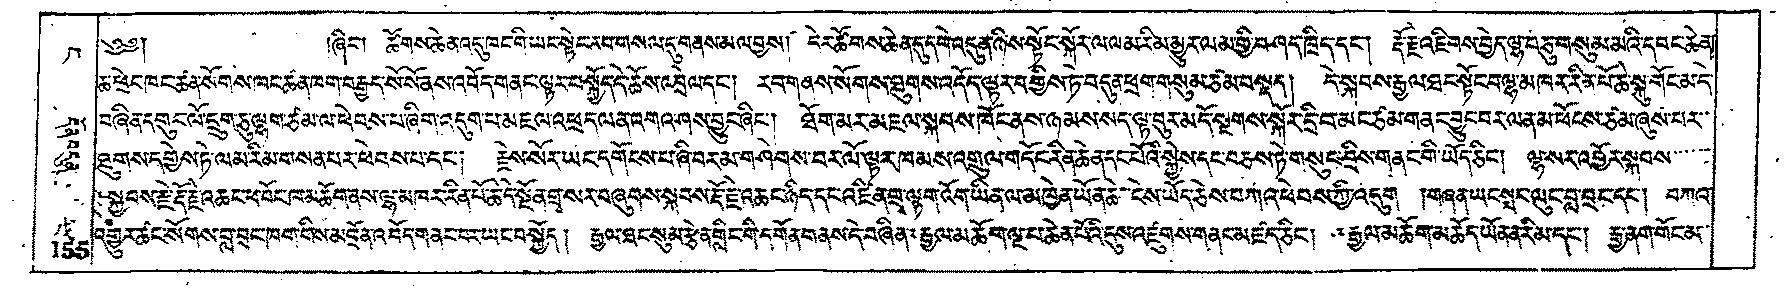༄༅། །ཞིང་། ཚོགས་ཆེན་འདུ་ཁང་གི་ཡང་སྟེང་རབ་གསལ་དུ་གནས་མལ་བྱས། དེར་ཚོགས་ཆེན་དུ་དགེ་འདུན་ཉིས་སྟོང་སྐོར་ལ་ལམ་རིམ་མྱུར་ལམ་གྱི་བཤད་ཁྲིད་དང་། རྡོ་རྗེ་འཇིགས་བྱེད་ལྷ་བཅུ་གསུམ་མའི་དབང་ཆེན།
ཆ་ཕྲེང་ཁང་ཚན་སོགས་ཁང་ཚན་ཁག་བརྒྱད་སོ་སོ་ནས་འབོད་གནང་ལྟར་བསྐྱོད་དེ་ཆོས་འབྲེལ་དང་། རབ་གནས་སོགས་ཐུགས་འདོད་ལྟར་བགྱིས་ཏེ་བདུན་ཕྲག་གསུམ་ཙམ་བསྡད། དེ་སྐབས་རྒྱལ་ཐང་སྟོང་བ་ལྷ་མཁར་རིན་པོ་ཆེ་སྐུ་གོང་མ་དེ་
བཞིན་དགུང་ལོ་དྲུག་ཅུ་ལྷག་ཙམ་ལ་ཕེབས་པ་ཞིག་འདུག་པ་མཇལ་འཕྲད་ལན་འགའ་ཤས་བྱུང་ཞིང་། ཐོག་མར་མཇལ་སྐབས་ཁོང་ནས་ཉམས་སད་ལྟ་བུར་མདོ་སྔགས་སྐོར་དྲི་བ་མང་ཙམ་གནང་བྱུང་བར་ལན་མ་ཕོངས་ཙམ་ཞུས་པར་
ཐུགས་དགྱེས་ཏེ་ལམ་རིམ་གསན་པར་ཕེབས་པ་དང་། རྗེས་སོར་ཡང་དགོངས་པ་ཞི་བར་མ་གཤེགས་བར་ལོ་ལྟར་ཁམས་འགྲུལ་གདོང་རིན་ཆེན་དང་པོའི་སྐྱེས་དང་བཅས་ཏེ་གསུང་བྲིས་གནང་གི་ཡོད་ཅིང་། ལྷ་སར་འབྱོར་སྐབས་
༧སྐྱབས་རྗེ་རྡོ་རྗེ་འཆང་ཕ་བོང་ཁ་མཆོག་ནས་ལྷ་མཁར་རིན་པོ་ཆེ་དེ་སྔོན་གྲྭ་སར་བཞུགས་སྐབས་རྡོ་རྗེ་འཆང་ཉིད་དང་འཛིན་གྲྭ་ལྟག་འོག་ཡིན་ལ་མཁྱེན་ཡོན་ཆེ་ངེས་ཡོད་ཅེས་བཀའ་ཕེབས་ཀྱི་འདུག །གཞན་ཡང་སྤང་ལུང་བླ་བྲང་དང་། བཀའ་
འགྱུར་ཚང་སོགས་བླ་བྲང་ཁག་གིས་མགྲོན་འབོད་གནང་བར་ཡང་བསྐྱོད། རྒྱལ་ཐང་སུམ་རྩེན་གླིང་གི་དགོན་གནས་དེ་བཞིན་༧རྒྱལ་མཆོག་ལྔ་པ་ཆེན་པོའི་དུས་འཛུགས་གནང་མཛད་ཅིང་། ༧རྒྱལ་མཆོག་མཆོད་ཡོན་ན་རིམ་དང་། རྒྱ་ནག་གོང་མ་